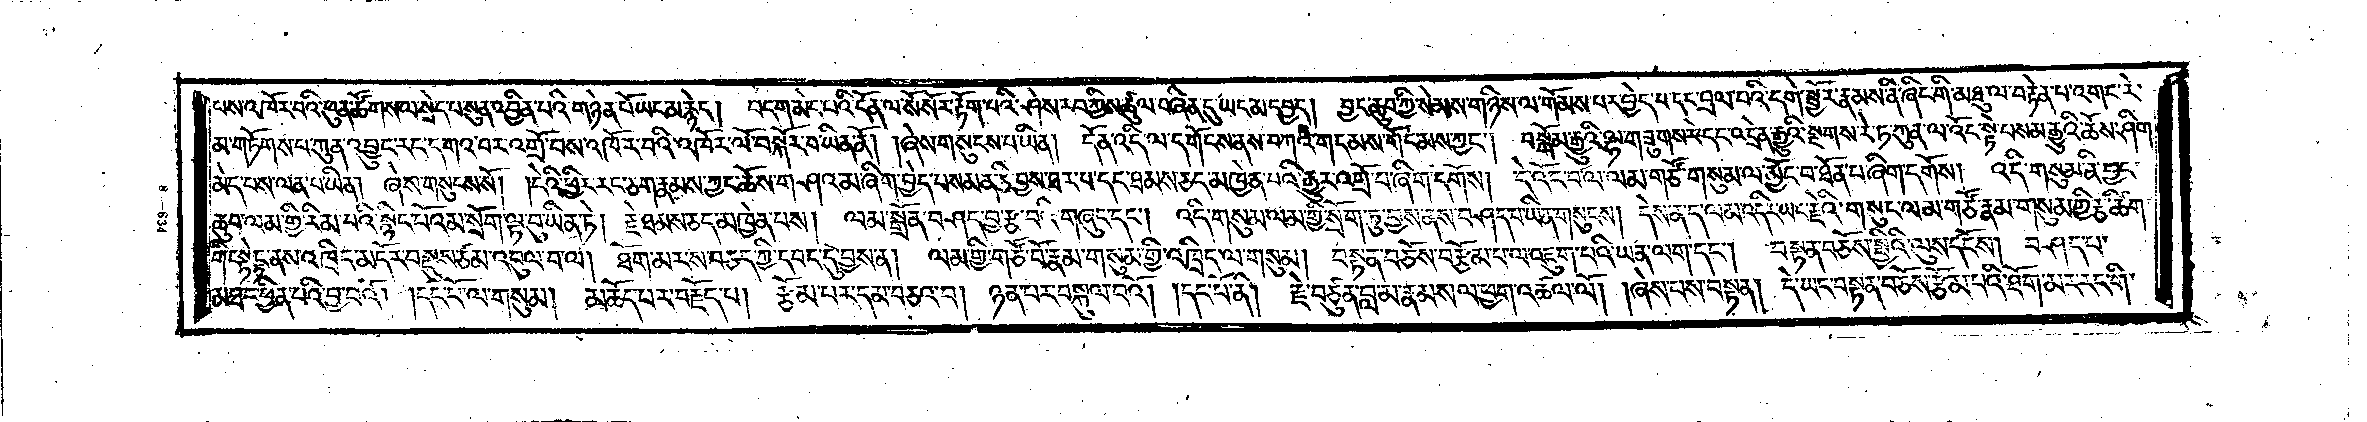པས་འཁོར་བའི་ཕུན་ཚོགས་ལ་སྲེད་པ་སུན་འབྱིན་པའི་གཉེན་པོ་ཡང་མ་རྙེད། བདག་མེད་པའི་དོན་ལ་སོ་སོར་རྟོག་པའི་ཤེས་རབ་ཀྱིས་ཚུལ་བཞིན་དུ་ཡང་མ་དཔྱད། བྱང་ཆུབ་ཀྱི་སེམས་གཉིས་ལ་གོམས་པར་བྱེད་པ་དང་བྲལ་བའི་དགེ་སྦྱོར་རྣམས་ནི་ཞིང་གི་མཐུ་ལ་བརྟེན་པ་འགའ་རེ་
མ་གཏོགས་པ་ཀུན་འབྱུང་རང་དགའ་བར་འགྲོ་བས་འཁོར་བའི་འཁོར་ལོ་བསྐོར་བ་ཡིན་ནོ། །ཞེས་གསུངས་པ་ཡིན། དོན་འདི་ལ་དགོངས་ནས་བཀའ་གདམས་གོང་མས་ཀྱང་། བསྒོམ་རྒྱུའི་ལྷ་གཟུགས་རེ་དང་འདྲེན་རྒྱུའི་སྔགས་རེ་ཏ་ཀུན་ལ་འོང་སྟེ་བསམ་རྒྱུའི་ཆོས་ཤིག་
མེད་པས་ལན་པ་ཡིན། ཞེས་གསུངས་སོ། །དེའི་ཕྱིར་རང་ཅག་རྣམས་ཀྱང་ཆོས་གཤའ་མ་ཞིག་བྱེད་བསམ་ན་ཅི་བྱས་ཐར་པ་དང་ཐམས་ཅད་མཁྱེན་པའི་རྒྱུར་འགྲོ་བ་ཞིག་དགོས། དེ་འོང་བ་ལ་ལམ་གཙོ་གསུམ་ལ་མྱོང་བ་ཐོན་པ་ཞིག་དགོས། འདི་གསུམ་ནི་བྱང་
ཆུབ་ལམ་གྱི་རིམ་པའི་སྙིང་པོའམ་སྲོག་ལྟ་བུ་ཡིན་ཏེ། རྗེ་ཐམས་ཅད་མཁྱེན་པས། ལམ་སྒྲོན་བཤད་བྱ་རྩ་བའི་གཞུང་དང་། འདི་གསུམ་ལམ་གྱི་སྲོག་ཏུ་བྱས་ནས་བཤད་པ་ཡིན་གསུངས། དེས་ན་ད་ལམ་འདིར་ཡང་རྗེའི་གསུང་ལམ་གཙོ་རྣམ་གསུམ་གྱི་རྩ་ཚིག་
གི་སྟེང་ནས་འཁྲིད་མདོར་བསྡུས་ཙམ་འབུལ་བ་ལ། ཐོག་མར་ས་བཅད་ཀྱི་དབང་དུ་བྱས་ན། ལམ་གྱི་གཙོ་བོ་རྣམ་གསུམ་གྱི་འཁྲིད་ལ་གསུམ། བསྟན་བཅོས་བརྩོམ་པ་ལ་འཇུག་པའི་ཡན་ལག་དང་། བསྟན་བཅོས་སྤྱིའི་ལུས་དངོས། བཤད་པ་
མཐར་ཕྱིན་པའི་བྱ་བའོ། །དང་པོ་ལ་གསུམ། མཆོད་པར་བརྗོད་པ། རྩོམ་པར་དམ་བཅའ་བ། ཉན་པར་བསྐུལ་བའོ། །དང་པོ་ནི། རྗེ་བཙུན་བླ་མ་རྣམས་ལ་ཕྱག་འཚལ་ལོ། །ཞེས་པས་བསྟན། དེ་ཡང་བསྟན་བཅོས་རྩོམ་པའི་ཐོག་མར་རང་གི་